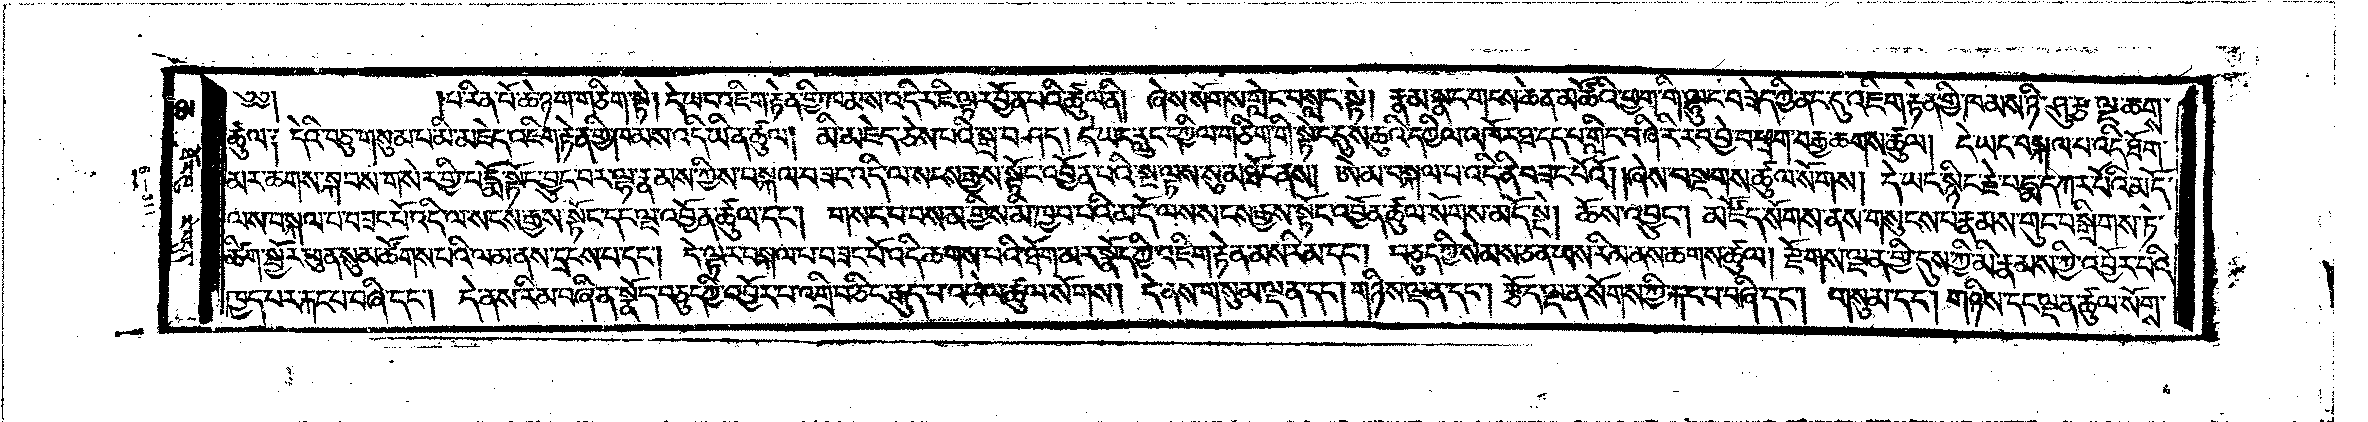༄༅། །པ་རིན་པོ་ཆེ་ཉག་གཅིག་སྟེ། དེ་ཡང་འཇིག་རྟེན་གྱི་ཁམས་འདིར་ཇི་ལྟར་བྱོན་པའི་ཚུལ་ནི། ཞེས་སོགས་གླེང་བསླང་སྟེ། རྣམས་སྣང་གངས་ཆེན་མཚོའི་ཕྱག་གི་ལྷུང་བཟེད་ཀྱི་ནང་དུ་འཇིག་རྟེན་གྱི་ཁམས་ཉི་ཤུ་རྩ་ལྔ་ཆགས་
ཚུལ༑ དེའི་བཅུ་གསུམ་པ་མི་མཇེད་འཇིག་རྟེན་གྱི་ཁམས་འདི་ཡིན་ཚུལ། མི་མཇེད་ཅེས་པའི་སྒྲ་བཤད། དེ་ཡང་རླུང་དཀྱིལ་གཅིག་གི་སྟེང་དུས་ཆུའི་དཀྱིལ་འཁོར་ཐ་དད་པ་གླིང་བཞི་རི་རབ་བྱེ་བ་ཕྲག་བརྒྱ་ཆགས་ཚུལ། དེ་ཡང་བསྐལ་པ་འདི་ཐོག་
མར་ཆགས་སྐབས་གསེར་གྱི་པདམོ་སྟོང་བྱུང་བར་ལྷ་རྣམས་ཀྱིས་བསྐལ་བཟང་འདི་ལ་སངས་རྒྱས་སྟོང་འབྱོན་པའི་སྔ་ལྟས་སུ་མཐོང་ནས། ཨེ་མ་བསྐལ་པ་འདི་ནི་བཟང་པོའོ། །ཞེས་བསྔགས་ཚུལ་སོགས། དེ་ཡང་སྙིང་རྗེ་པདམ་དཀར་པོའི་མདོ་
ལས་བསྐལ་པ་བཟང་པོ་འདི་ལ་སངས་རྒྱས་སྟོང་དང་ལྔ་འབྱོན་ཚུལ་དང་། གསང་བ་བསམ་གྱིས་མི་ཁྱབ་པའི་མདོ་ལས་སངས་རྒྱས་སྟོང་འབྱོན་ཚུལ་སོགས་མདོ་སྡེ། ཆོས་འབྱུང་། མཛོད་སོགས་ནས་གསུངས་པ་རྣམས་གུང་བསྒྲིགས་ཏེ་
ཚིག་སྦྱོར་ཕུན་སུམ་ཚོགས་པའི་ལམ་ནས་དྲངས་པ་དང་། དེ་ལྟར་བསྐལ་པ་བཟང་པོ་འདི་ཆགས་པའི་ཐོག་མར་སྣོད་ཀྱི་འཇིག་རྟེན་མས་རིམ་དང་། བཅུད་ཀྱི་སེམས་ཅན་བྱས་རིམ་ནས་ཆགས་ཚུལ། རྫོགས་ལྡན་གྱི་དུས་ཀྱི་མི་རྣམས་ཀྱི་འབྱོར་པའི་
ཁྱད་པར་རྐང་པ་བཞི་དང་། དེ་ནས་རིམ་བཞིན་སྣོད་བཅུད་ཀྱི་འབྱོར་པ་འགྲིབ་ཅིང་རྒུད་པ་འཕེལ་ཚུལ་སོགས། དེ་ནས་གསུམ་ལྡན་དང་། གཉིས་ལྡན་དང་། རྩོད་ལྡན་སོགས་ཀྱི་རྐང་པ་བཞི་དང་། གསུམ་དང་། གཉིས་དང་ལྡན་ཚུལ་སོགས་